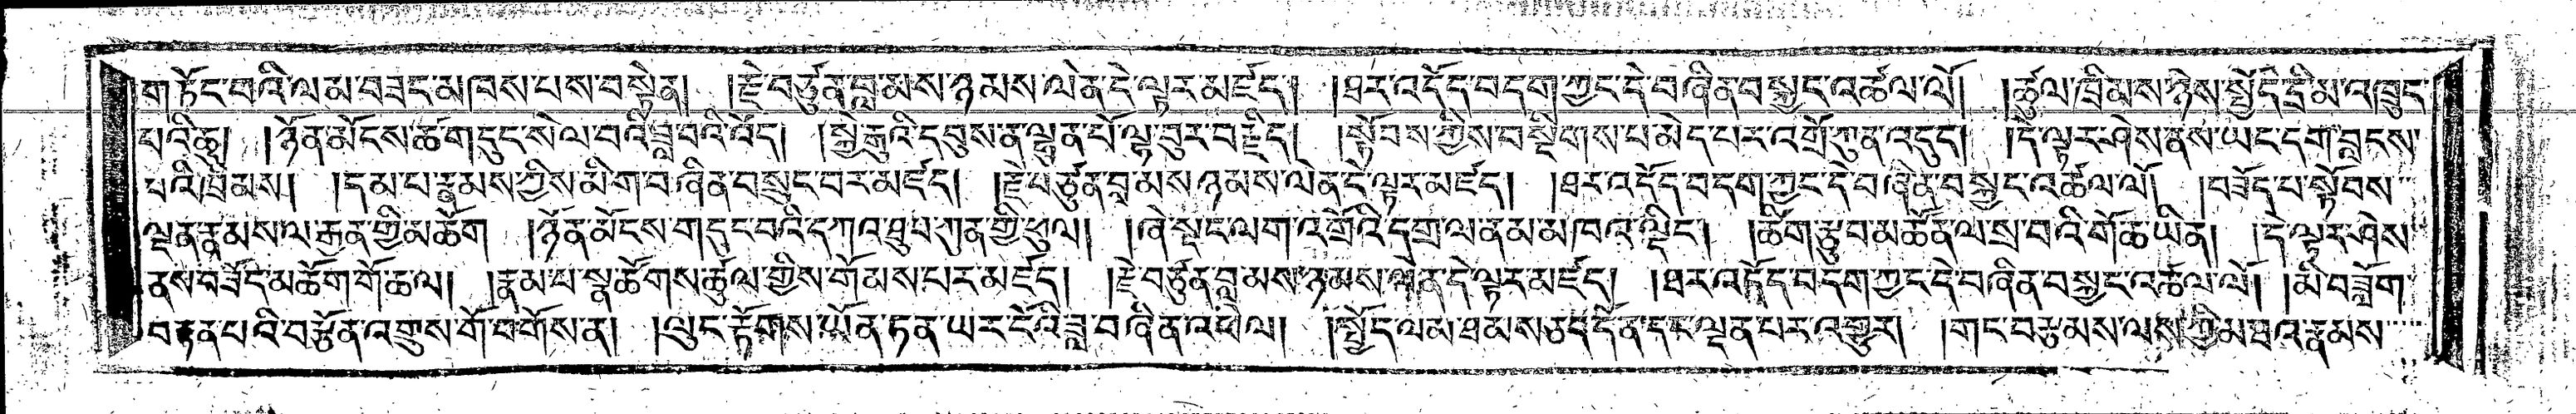གཏོང་བའི་ལམ་བཟང་མཁས་པས་བསྟེན། །རྗེ་བཙུན་བླ་མས་ཉམས་ལེན་དེ་ལྟར་མཛད། །ཐར་འདོད་བདག་ཀྱང་དེ་བཞིན་བསྐྱང་འཚལ་ལོ། །ཚུལ་ཁྲིམས་ཉེས་སྤྱོད་དྲི་མ་འཁྲུད་
པའི་ཆུ། །ཉོན་མོངས་ཚ་གདུང་སེལ་བའི་ཟླ་བའི་འོད། །སྐྱེ་རྒུའི་དབུས་ན་ལྷུན་པོ་ལྟ་བུར་བརྗིད། །སྟོབས་ཀྱིས་བསྡིགས་པ་མེད་པར་འགྲོ་ཀུན་འདུད། །དེ་ལྟར་ཤེས་ནས་ཡང་དག་བླངས་
པའི་ཁྲིམས། །དམ་པ་རྣམས་ཀྱིས་མིག་བཞིན་བསྲུང་བར་མཛད། །རྗེ་བཙུན་བླ་མས་ཉམས་ལེན་དེ་ལྟར་མཛད། །ཐར་འདོད་བདག་ཀྱང་དེ་བཞིན་བསྐྱང་འཚལ་ལོ། །བཟོད་པ་སྟོབས་
ལྡན་རྣམས་ལ་རྒྱན་གྱི་མཆོག །ཉོན་མོངས་གདུང་བའི་དཀའ་ཐུབ་ཀུན་གྱི་ཕུལ། །ཞེ་སྡང་ལག་འགྲོའི་དགྲ་ལ་ནམ་མཁའ་ལྡིང་། །ཚིག་རྩུབ་མཚོན་ལ་སྲ་བའི་གོ་ཆ་ཡིན། །དེ་ལྟར་ཤེས་
ནས་བཟོད་མཆོག་གོ་ཆ་ལ། །རྣམ་པ་སྣ་ཚོགས་ཚུལ་གྱིས་གོམས་པར་མཛད། །རྗེ་བཙུན་བླ་མས་ཉམས་ལེན་དེ་ལྟར་མཛད། །ཐར་འདོད་བདག་ཀྱང་དེ་བཞིན་བསྐྱང་འཚལ་ལོ། །མི་བཟློག་
བརྟན་པའི་བརྩོན་འགྲུས་གོ་བགོས་ན། །ལུང་རྟོགས་ཡོན་ཏན་ཡར་ངོའི་ཟླ་བཞིན་འཕེལ། །སྤྱོད་ལམ་ཐམས་ཅད་དོན་དང་ལྡན་པར་འགྱུར། །གང་བརྩམས་ལས་ཀྱི་མཐའ་རྣམས་